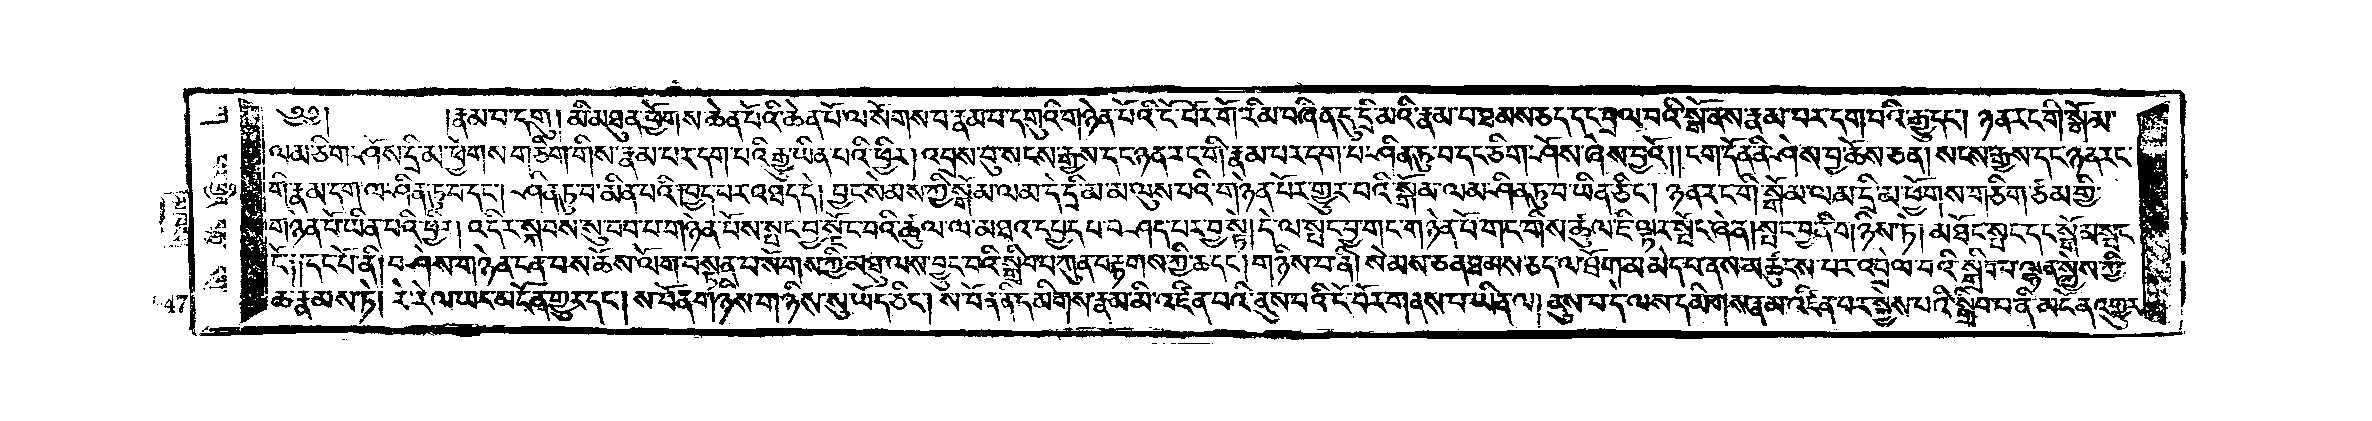༄༅། །རྣམ་པ་དགུ། མི་མཐུན་ཕྱོགས་ཆེན་པོའི་ཆེན་པོ་ལ་སོགས་པ་རྣམ་པ་དགུའི་གཉེན་པོའི་ངོ་བོར་གོ་རིམ་བཞིན་དུ་དྲི་མའི་རྣམ་པ་ཐམས་ཅད་དང་བྲལ་བའི་སྒོ་ནས་རྣམ་པར་དག་པའི་རྒྱུ་དང་། ཉན་རང་གི་སྒོམ་
ལམ་ཅིག་ཤོས་དྲི་མ་ཕྱོགས་གཅིག་གིས་རྣམ་པར་དག་པའི་རྒྱུ་ཡིན་པའི་ཕྱིར། འབྲས་བུ་སངས་རྒྱས་དང་ཉན་རང་གི་རྣམ་པར་དག་པ་ཤིན་ཏུ་བ་དང་ཅིག་ཤོས་ཞེས་བྱའོ། །ངག་དོན་ནི་ཤེས་བྱ་ཆོས་ཅན། སངས་རྒྱས་དང་ཉན་རང་
གི་རྣམ་དག་ལ་ཤིན་ཏུ་བ་དང་། ཤིན་ཏུ་བ་མིན་པའི་ཁྱད་པར་འཐད་དེ། བྱང་སེམས་ཀྱི་སྒོམ་ལམ་དེ་དྲི་མ་མ་ལུས་པའི་གཉེན་པོར་གྱུར་པའི་སྒོམ་ལམ་ཤིན་ཏུ་བ་ཡིན་ཅིང་། ཉན་རང་གི་སྒོམ་ལམ་དྲི་མ་ཕྱོགས་གཅིག་ཙམ་གྱི་
གཉེན་པོ་ཡིན་པའི་ཕྱིར། འདིར་སྐབས་སུ་བབ་པ་གཉེན་པོས་སྤང་བྱ་སྤོང་བའི་ཚུལ་ལ་མཐའ་དཔྱད་པ་བཤད་པར་བྱ་སྟེ། དེ་ལ་སྤང་བྱ་གང་གཉེན་པོ་གང་གིས་ཚུལ་ཇི་ལྟར་སྤོང་ཞེ་ན། སྤང་བྱ་ནི་གཉིས་ཏེ། མཐོང་སྤང་དང་སྒོམ་སྤང་
ངོ༑ ༑དང་པོ་ནི། བཤེས་གཉེན་ངན་པས་ཆོས་ལོག་བསྟན་པ་སོགས་ཀྱི་མཐུ་ལས་བྱུང་བའི་སྒྲིབ་པ་ཀུན་བརྟགས་ཀྱི་ཆ་དང་། གཉིས་པ་ནི། སེམས་ཅན་ཐམས་ཅད་ལ་ཐོག་མ་མེད་པ་ནས་མཚུངས་པར་འབྲེལ་བའི་སྒྲིབ་པ་ལྷན་སྐྱེས་ཀྱི་
ཆ་རྣམས་ཏེ། རེ་རེ་ལ་ཡང་མངོན་གྱུར་དང་། ས་བོན་གཉིས་གཉིས་སུ་ཡོད་ཅིང་། ས་བོན་ནི་དམིགས་རྣམ་མི་འཛིན་པའི་ནུས་པའི་ངོ་བོར་གནས་པ་ཡིན་ལ། ནུས་པ་དེ་ལས་དམིགས་རྣམ་འཛིན་པར་སྐྱེས་པའི་སྒྲིབ་པ་ནི་མངོན་འགྱུར་